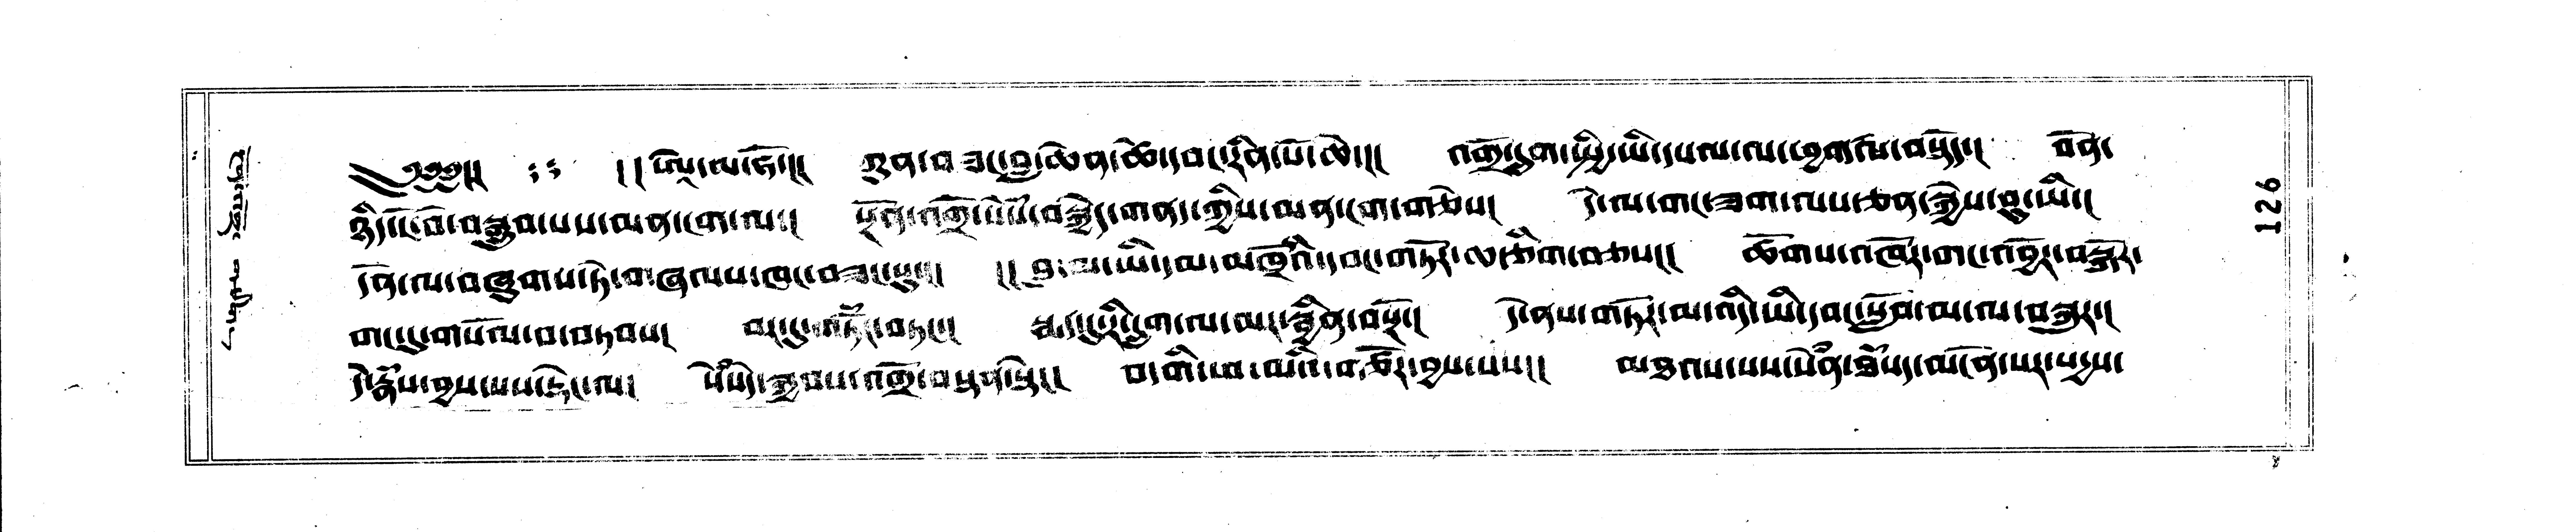༄༅༅།། །།ཨཱེ་མ་ཧོ།། ཀུན་བཟང་བླ་ཆེན་ཚེ་དབང་རིན་པོ་ཆེ། འགྲོ་དྲུག་སྤྱི་ཡི་དཔལ་ལ་ཕྱག་འཚལ་བསྟོད། བོན་
ཉིན་ངོ་བོ་བསྒྲུབ་པའི་མན་ངག་ལ། སྔོན་འགྲོ་སེམས་བསྐྱེད་གནད་ཀྱིས་མན་ངག་གཅེས། དེ་ལ་གང་ཟག་ལས་ཅན་སྐྱེས་བུ་ཡི། 
དོན་ལ་བཞུགས་ཏེ་གཞལ་ཡས་ཁང་བཟང་སུ། བླ་མ་ཡི་དམ་མཁའ་འགྲོའི་དབང་གཏོར་ཆ་ཅིག་བཅས། ཚོགས་འཁོར་གང་འབྱོར་བསྐོར་
གང་དུ་གསོལ་བ་བཏབས། བར་དུ་གཏོར་མ་བཏང་། སྨད་དུ་རིག་དྲུག་ལ་མར་སྦྱིན་བསྔོ། དེ་ནས་གཏོར་མ་འདི་ཡི་དབང་སློབ་མ་ལ་བསྐུར། 
དེ་རྣམས་བྱས་པའི་རྟིང་ལ། སེམས་བསྐྱེད་སྐྱབས་འགྲོ་བསྟན་སྟེ། བདག་གི་ཕ་མའི་གཙོར་བྱས་པས། མཐའ་ཡས་པའི་སེམས་ཅན་ཐམས་ཅད་མངོན་པར་སངས་རྒྱས་